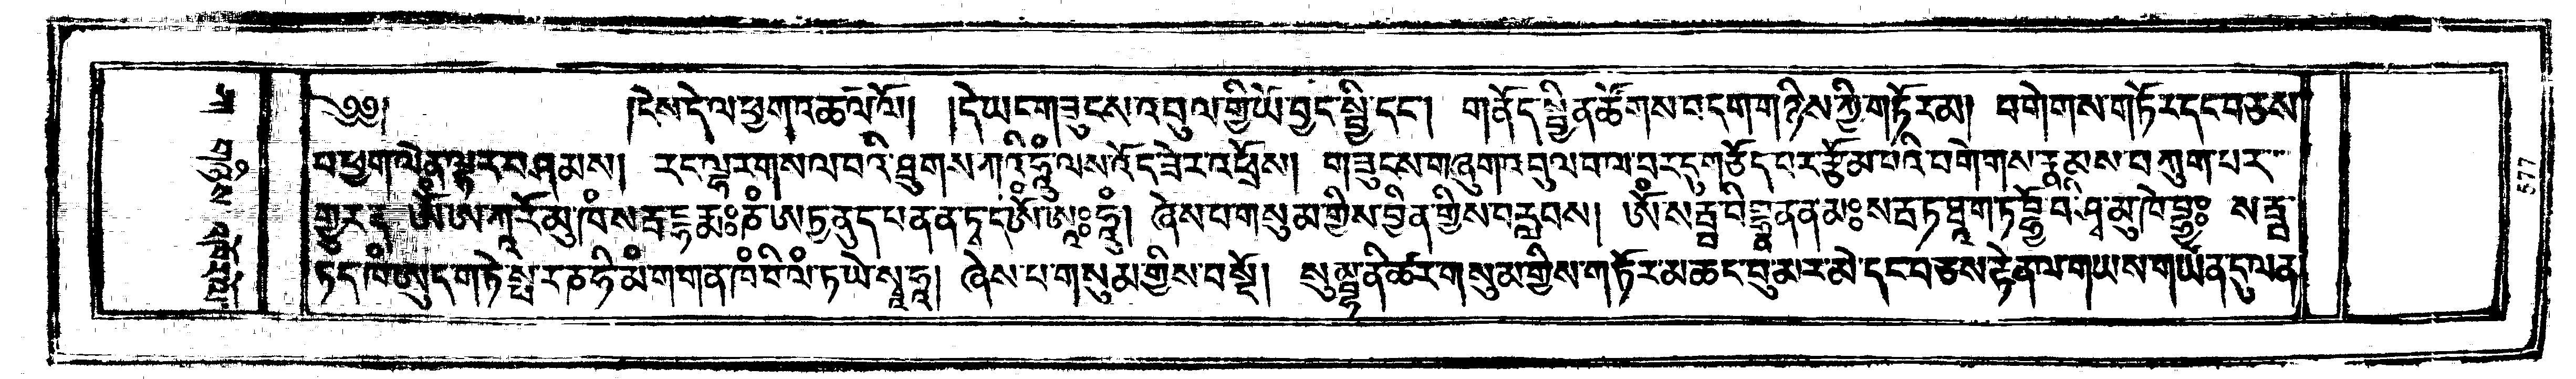༄༅། །ངེས་དེ་ལ་ཕྱག་འཚལ་ལོ། །དེ་ཡང་གཟུངས་འབུལ་གྱི་ཡོ་བྱད་སྦྱི་དང་། གནོད་སྦྱིན་ཚོགས་བདག་གཉིས་ཀྱི་གཏོར་མ། བགེགས་གཏོར་དང་བཅས་
བ་ཕྱག་ལེན་ལྟར་བཤམས། རང་ལྷར་གསལ་བའི་ཐུགས་ཀའི་ཧཱུཾ་ལས་འོད་ཟེར་འཕྲོས། གཟུངས་གཞུག་འབུལ་བ་ལ་བར་དུ་གཅོད་བར་རྩོམ་པའི་བགེགས་རྣམས་བཀུག་པར་
གྱུར། ཨོཾ་ཨ་ཀཱ་རོ་མུ་ཁཾ་སརྦ་དྷརྨཿ རྨཿ ཎཾ་ཨཏྱ་ནུད་པན་ན་ཏྭ་ད་ཨོཾ་ཨཱཿ ཧཱུཾ། ཞེས་པ་གསུམ་གྱིས་བྱིན་གྱིས་བརླབས། ཨོཾ་སརྦྦ་བིདྷཱན་ན་མ་སརྦ་ཏ་ཐཱ་ག་ཏ་བྷྱོ་བི་ཤྭ་མུ་ཁེ་བྷྱཿ སརྦྦ་
ཏད་ཁམ་ཨུ་དག་ཏེ་སྤར་ར་ཎ་ཧི་མཾ་གག་ན་ཁཾ་བི་ལཾ་ཏ་ཡེ་སྭཱཧཱ། ཞེས་པ་གསུམ་གྱི་བསྔོ། སུམྦྷ་ནི་ཚར་གསུམ་གྱིས་གཏོར་མཆང་བུ་མར་མེ་དང་བཅས་རྟེན་ལ་གཡས་གཡོན་དུ་ལན་